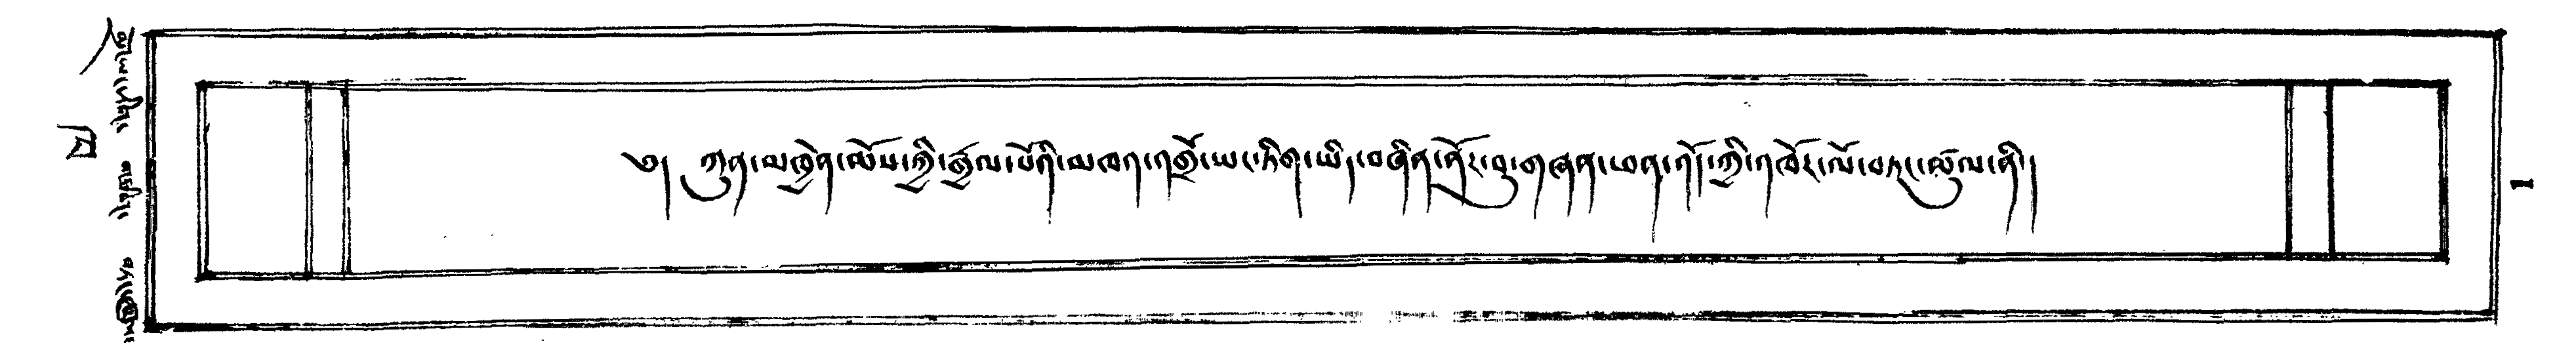༄༅། ཀུན་མཁྱེན་ཆོས་ཀྱི་རྒྱལ་པོའི་མཁའ་འགྲོ་ཡང་ཏིག་ཡིད་བཞིན་ནོར་བུ་གཞན་ཕན་འོད་ཀྱི་འཁོར་ལོ་བཏང་ཚུལ་ནི།